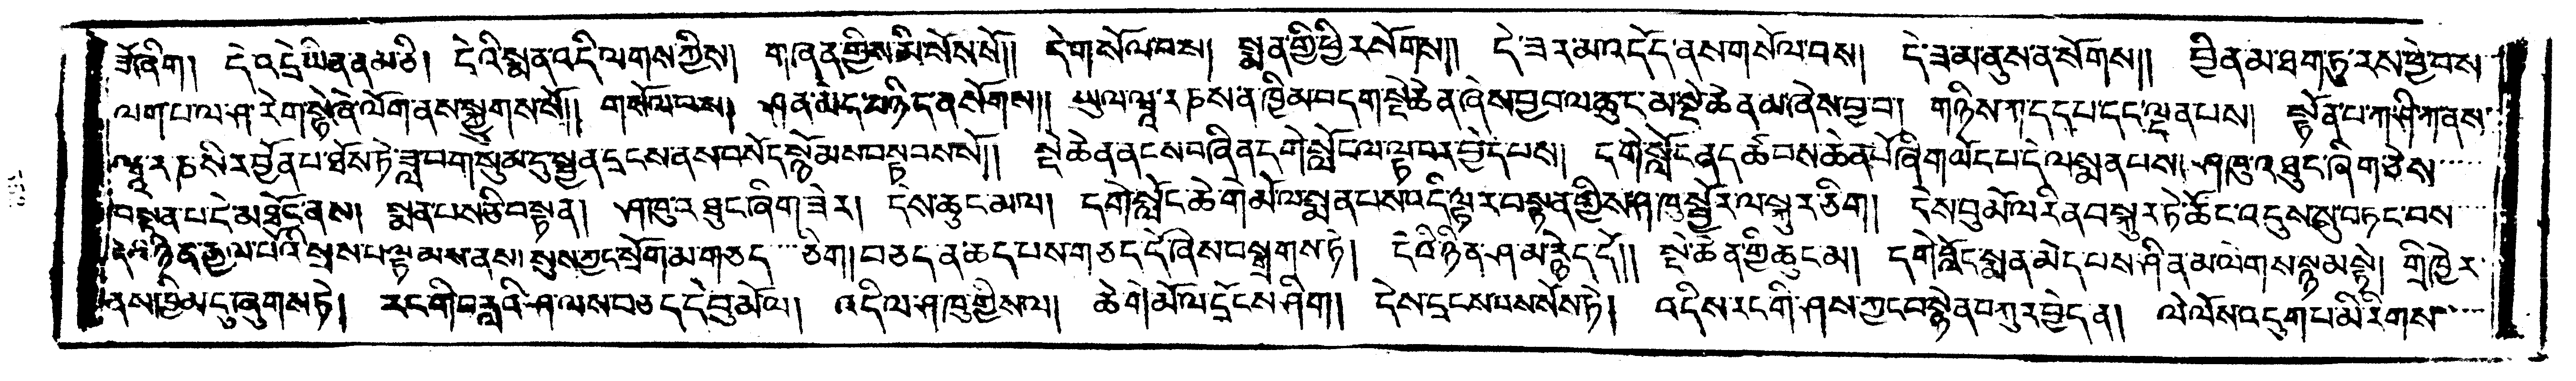ཟོ་ཞིག། དེ་འདྲེ་ཡིན་ནམ་ཅི། དེའི་སྨན་འདི་ལགས་ཀྱིས། གཞན་གྱིས་མི་སོས་སོ།། དེ་གསོལ་བས། སྨན་གྱི་ཕྱིར་སོགས།། དེ་ཟར་མ་འདོད་ནས་གསོལ་བས། དེ་ཟ་མ་ནུས་ན་སོགས།། བྱིན་མ་ཐག་ཏུ་རས་ཕྱེ་བས་
ལག་པ་ལ་ཤ་རེག་སྟེ་ཞེ་ལོག་ནས་སྐྱུགས་སོ།། གསོལ་བས། ཤན་མེད་པ་ཉིད་ན་སོགས།། ཡུལ་ཝཱ་ར་ཎ་ས་ན་ཁྱིམ་བདག་སྔེ་ཆེན་ཞེས་བྱ་བ་ལ་ཆུ་ང་མ་སྡེ་ཆེན་མ་ཞེས་བྱ་བ། གཉིས་ཀ་དད་པ་དང་ལྡན་པས། སྟོན་པ་ཀ་ཤི་ཀ་ནས་
ཝཱ་ར་ཎ་སིར་བྱོན་པ་ཐོས་ཏེ་ཟླ་བ་གསུམ་དུ་སྦྱན་དྲངས་ནས་བསོད་སྙོམས་བསྟབས་སོ།། སྡེ་ཆེན་ནང་ས་བཞིན་དགེ་སློང་ལ་ལྟ་བར་བྱེད་པས། དགེ་སློང་ནད་ཚབས་ཆེན་པོ་ཞིག་ཡོད་པ་དེ་ལ་སྨན་པས། ཤ་ཁུ་འཐུང་ཞིག་ཅེས་
བསྟན་པ་དེ་མཐོང་ནས། སྨན་པས་ཅི་བསྟན། ཤ་ཁུ་འཐུང་ཞིག་ཟེར། དེས་ཆུང་མལ། དགེ་སློང་ཆེ་གེ་མོ་ལ་སྨན་པས་འདི་ལྟར་བསྟན་གྱིས་ཤ་ཁུ་སྦྱོར་ལ་སྐུར་ཅིག། དེས་བུ་མོ་ལ་རིན་བསྐུར་ཏེ་ཚོང་འདུས་སུ་བཏང་བས་
དེའི་ཉིན་རྒྱལ་པོའི་སྲས་པ་ལྟམས་ནས། སུས་ཀྱང་སྲོག་མ་གཅད་ཅིག། བཅད་ན་ཆད་པས་གཅད་དོ་ཞེས་བསྒྲགས་ཏེ། དེའི་ཉིན་ཤ་མ་རྙེད་དོ།། སྡེ་ཆེན་གྱི་ཆུང་མ། དགེ་སློང་སྨན་མེད་པས་ཤིན་མ་ལེགས་སྙམ་སྟེ། གྲི་ཁྱེར་
ནས་ཁྱིམ་དུ་ཞུགས་ཏེ། རང་གི་བརླའི་ཤ་ལས་བཅད་དེ་བུ་མོ་ལ། འདི་ལ་ཤ་ཁུ་གྱིས་ལ། ཆེ་གེ་མོ་ལ་དྲོངས་ཤིག། དེས་དྲངས་པས་སོས་ཏེ། འདིས་རང་གི་ཤས་ཀྱང་བསྙེན་བཀུར་བྱེད་ན། ལེ་ལོས་འདུག་པ་མི་རིགས་